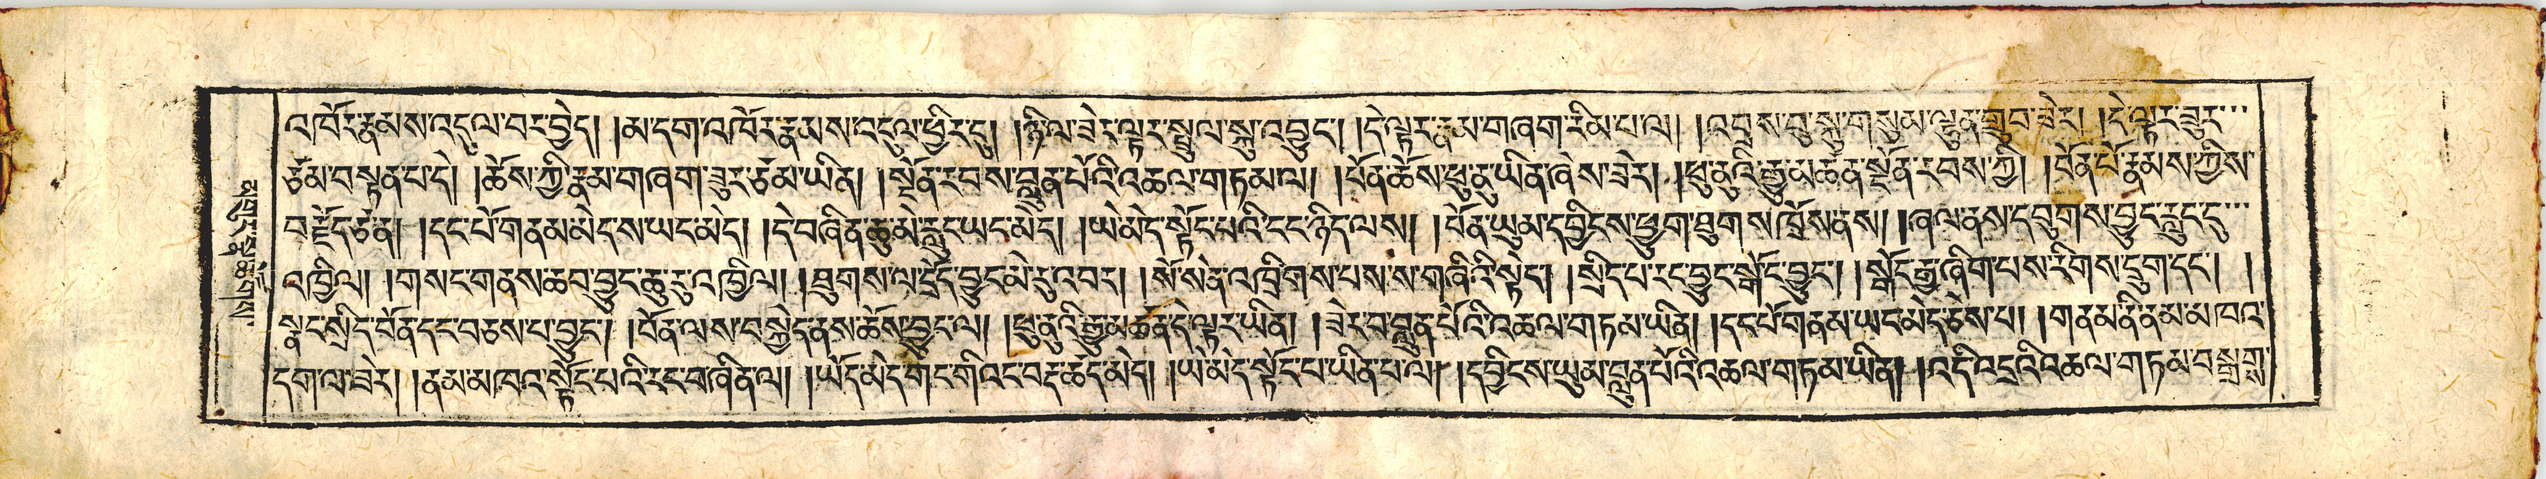འཁོར་རྣམས་འདུལ་བར་བྱེད། །མ་དག་འཁོར་རྣམས་འདུལ་ཕྱིར་དུ། །ཉི་ལ་ཟེར་ལྟར་སྦྲུལ་སྐུ་འབྱུང་། །དེ་ལྟར་རྣམ་གཞག་རིམ་པ་ལ། །འབྲས་བུ་སྐུ་གསུམ་ལྷུན་གྲུབ་ཟེར། །དེ་ལྟར་ཟུར་
ཙམ་བསྟན་པ་དེ། །ཆོས་ཀྱི་རྣམ་གཞག་ཟུར་ཙམ་ཡིན། །སྔོན་རབས་བླུན་པོའི་འཆལ་གཏམ་ལ། །བོན་ཆོས་ཕུ་ནུ་ཡིན་ཞེས་ཟེར། །ཕུ་ནུའི་རྒྱུ་མཚན་སྔོན་རབས་ཀྱི། །བོན་པོ་རྣམས་ཀྱིས་
བརྗོད་ཅེ་ན། །དང་པོ་གནམ་མེད་ས་ཡང་མེད། །དེ་བཞིན་ཆུ་མེ་རླུང་ཡང་མེད། །ཡེ་མེད་སྟོང་པའི་ངང་ཉིད་ལས། །བོན་ཡུམ་དབྱིངས་ཕྱུག་ཐུགས་ཁྲོས་ནས། །ཞལ་ནས་དབུགས་བྱུང་རླུང་དུ་
འཁྱིལ། །གསང་གནས་ཆབ་བྱུང་ཆུ་རུ་འཁྱིལ། །ཐུགས་ལ་དྲོད་བྱུང་མེ་རུ་འབར། །སོ་སེན་འཁྲིགས་པས་ས་གཞིའི་སྟེང་། །སྲིདཔ་རང་བྱུང་སྒོ་ང་བྱུང་། །སྒོང་རྒྱ་ཞིག་པས་རིགས་དྲུག་དང་། །
སྣང་སྲིད་བོན་དང་བཅས་པ་བྱུང་། །བོན་ལས་བསྐྱེད་ནས་ཆོས་བྱུང་ལ། །ཕུ་ནུའི་རྒྱུ་མཚན་དེ་ལྟར་ཡིན། །ཟེར་བ་བླུན་པོའི་འཆལ་གཏམ་ཡིན། །དང་པོ་གནམ་ཡང་མེད་ཅེས་པ། །གནམ་ནི་ནམ་མཁའ་
དག་ལ་ཟེར། །ནམ་མཁའ་སྟོང་པའི་རང་བཞིན་ལ། །ཡོད་མེད་གང་གིའང་བརྡ་ཆད་མེད། །ཡེ་མེད་སྟོང་པ་ཡིན་པ་ལ། །དབྱིངས་ཡུམ་བླུན་པོའི་འཆལ་གཏམ་ཡིན། །འདི་འདྲའི་འཆལ་གཏམ་བསྒྲགས་